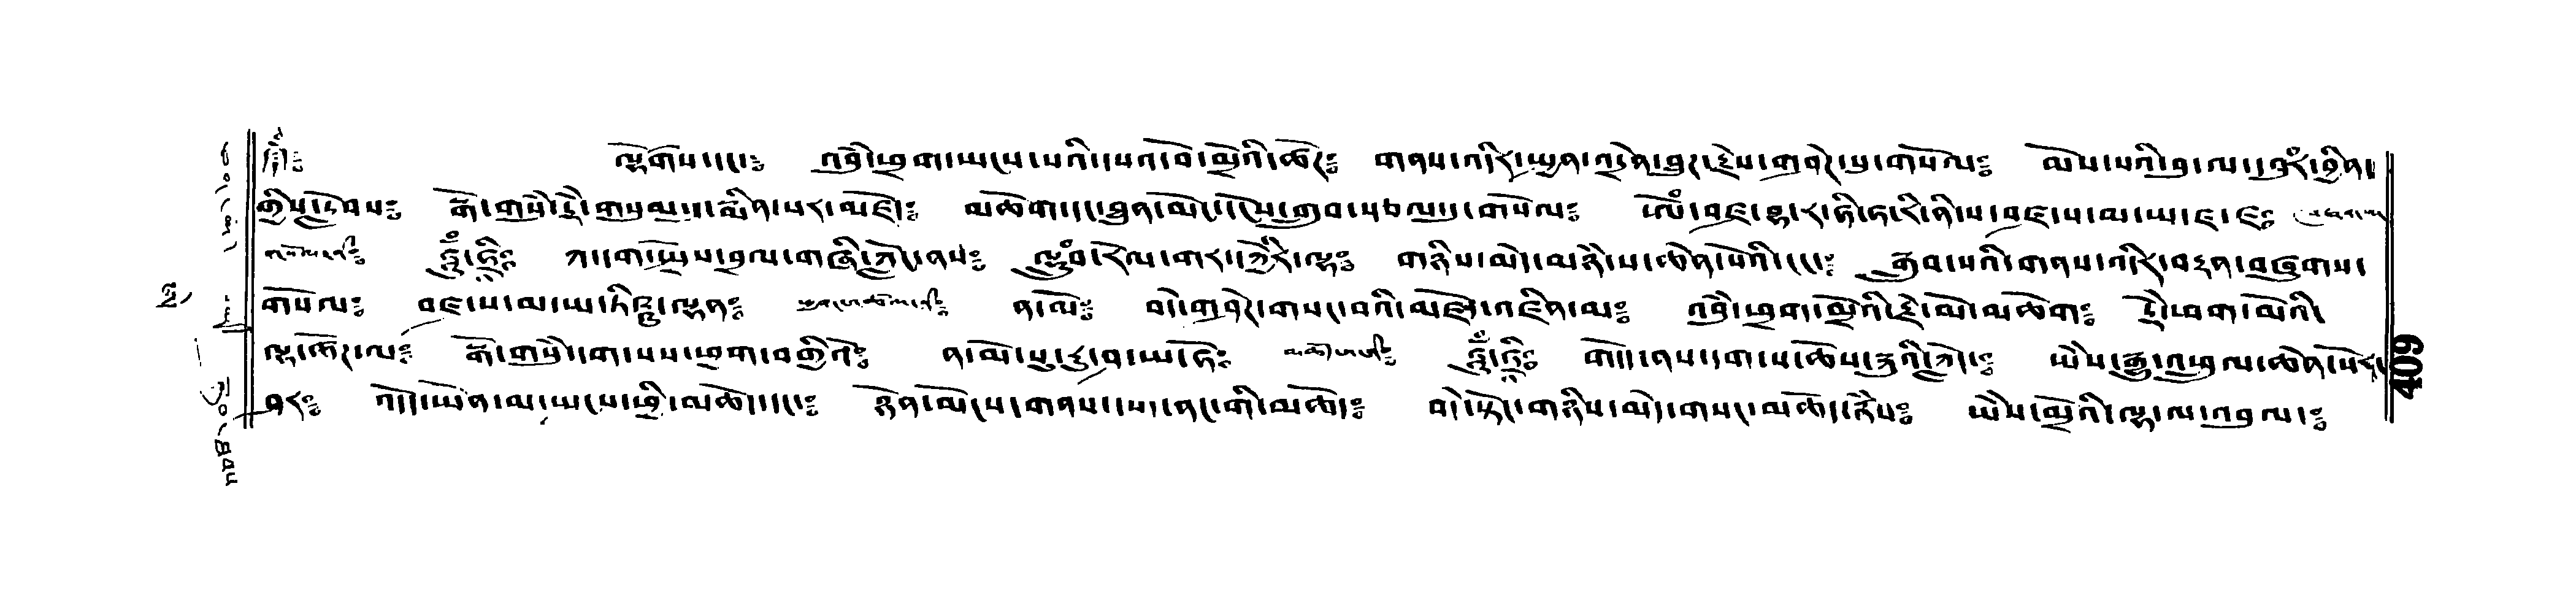ལྷ་ཚོགས་དང༔ འབུམ་ཕྲག་ཡངས་པའི་དཔའ་བོ་མཁའ་འགྲོའི་ཚོགས༔ གནས་འདིར་སྤྱན་འདྲེན་ཐུགས་རྗེས་གཤེགས་སུ་གསོལ༔ མོས་པའི་བུ་ལ་དབང་བསྐུར་བྱིན་
གྱིས་རློབས༔ སྒོ་གསུམ་རྡོ་རྗེ་གསུམ་དུ་སྨིན་པར་མཛོད༔ མཆོག་དང་ཐུན་མོང་དངོས་གྲུབ་བསྩལ་དུ་གསོལ༔ ཨོཾ་བཛྲ་བྷ་ར་ཧི་ཧ་རི་ནི་ས་བཛྲ་ས་མ་ཡ་ཛཿཛཿ བཞུགས་
གསོལ་ནི༔ ཧཱུྃ་ཧྲཱིཿ ཀ་དག་སྤྲོས་བྲལ་གཞི་ཀློང་ནས༔ ལྷུན་གྲུབ་རོལ་གར་དཀྱིལ་འཁོར་ལྷ༔ གཉིས་མེད་མཉམ་པ་ཆེན་པོའི་ངང༔ སྒྲུབ་པའི་གནས་འདིར་བརྟན་བཞུགས་
གསོལ༔ བཛྲ་ས་མ་ཡ་ཏིཥྛ་ལྷན༔ ཕྱག་འཚལ་ནི༔ ན་མོ༔ བདེ་གཤེགས་གསང་བའི་མཛོད་འཛིན་མ༔ འབུམ་ཕྲག་མཁའ་འགྲོའི་རྗེ་མོ་མཆོག༔ རྡོ་རྗེ་ཕག་མོའི་
ལྷ་ཚོགས་ལ༔ སྒོ་གསུམ་དག་པས་ཕྱག་བགྱིའོ༔ ན་མོ་པུ་རུ་ཤ་ཡ་ཧོ༔ མཆོད་པ་ནི༔ ཧཱུྃ་ཧྲཱིཿ གདོད་ནས་དག་པ་ཆོས་སྐུའི་ཀློང༔ ཡེ་ཤེས་སྒྱུ་འཕྲུལ་ཆེན་པོར་
ཤར༔ འདོད་ཡོན་མ་སྤངས་ཕྱི་མཆོད་དང༔ ཉོན་མོངས་གནས་དག་ནང་གི་མཆོད༔ བདེ་སྟོང་གཉིས་མེད་གསང་མཆོད་རྣམས༔ ཡེ་ཤེས་མཁའ་འགྲོའི་ལྷ་ལ་འབུལ༔